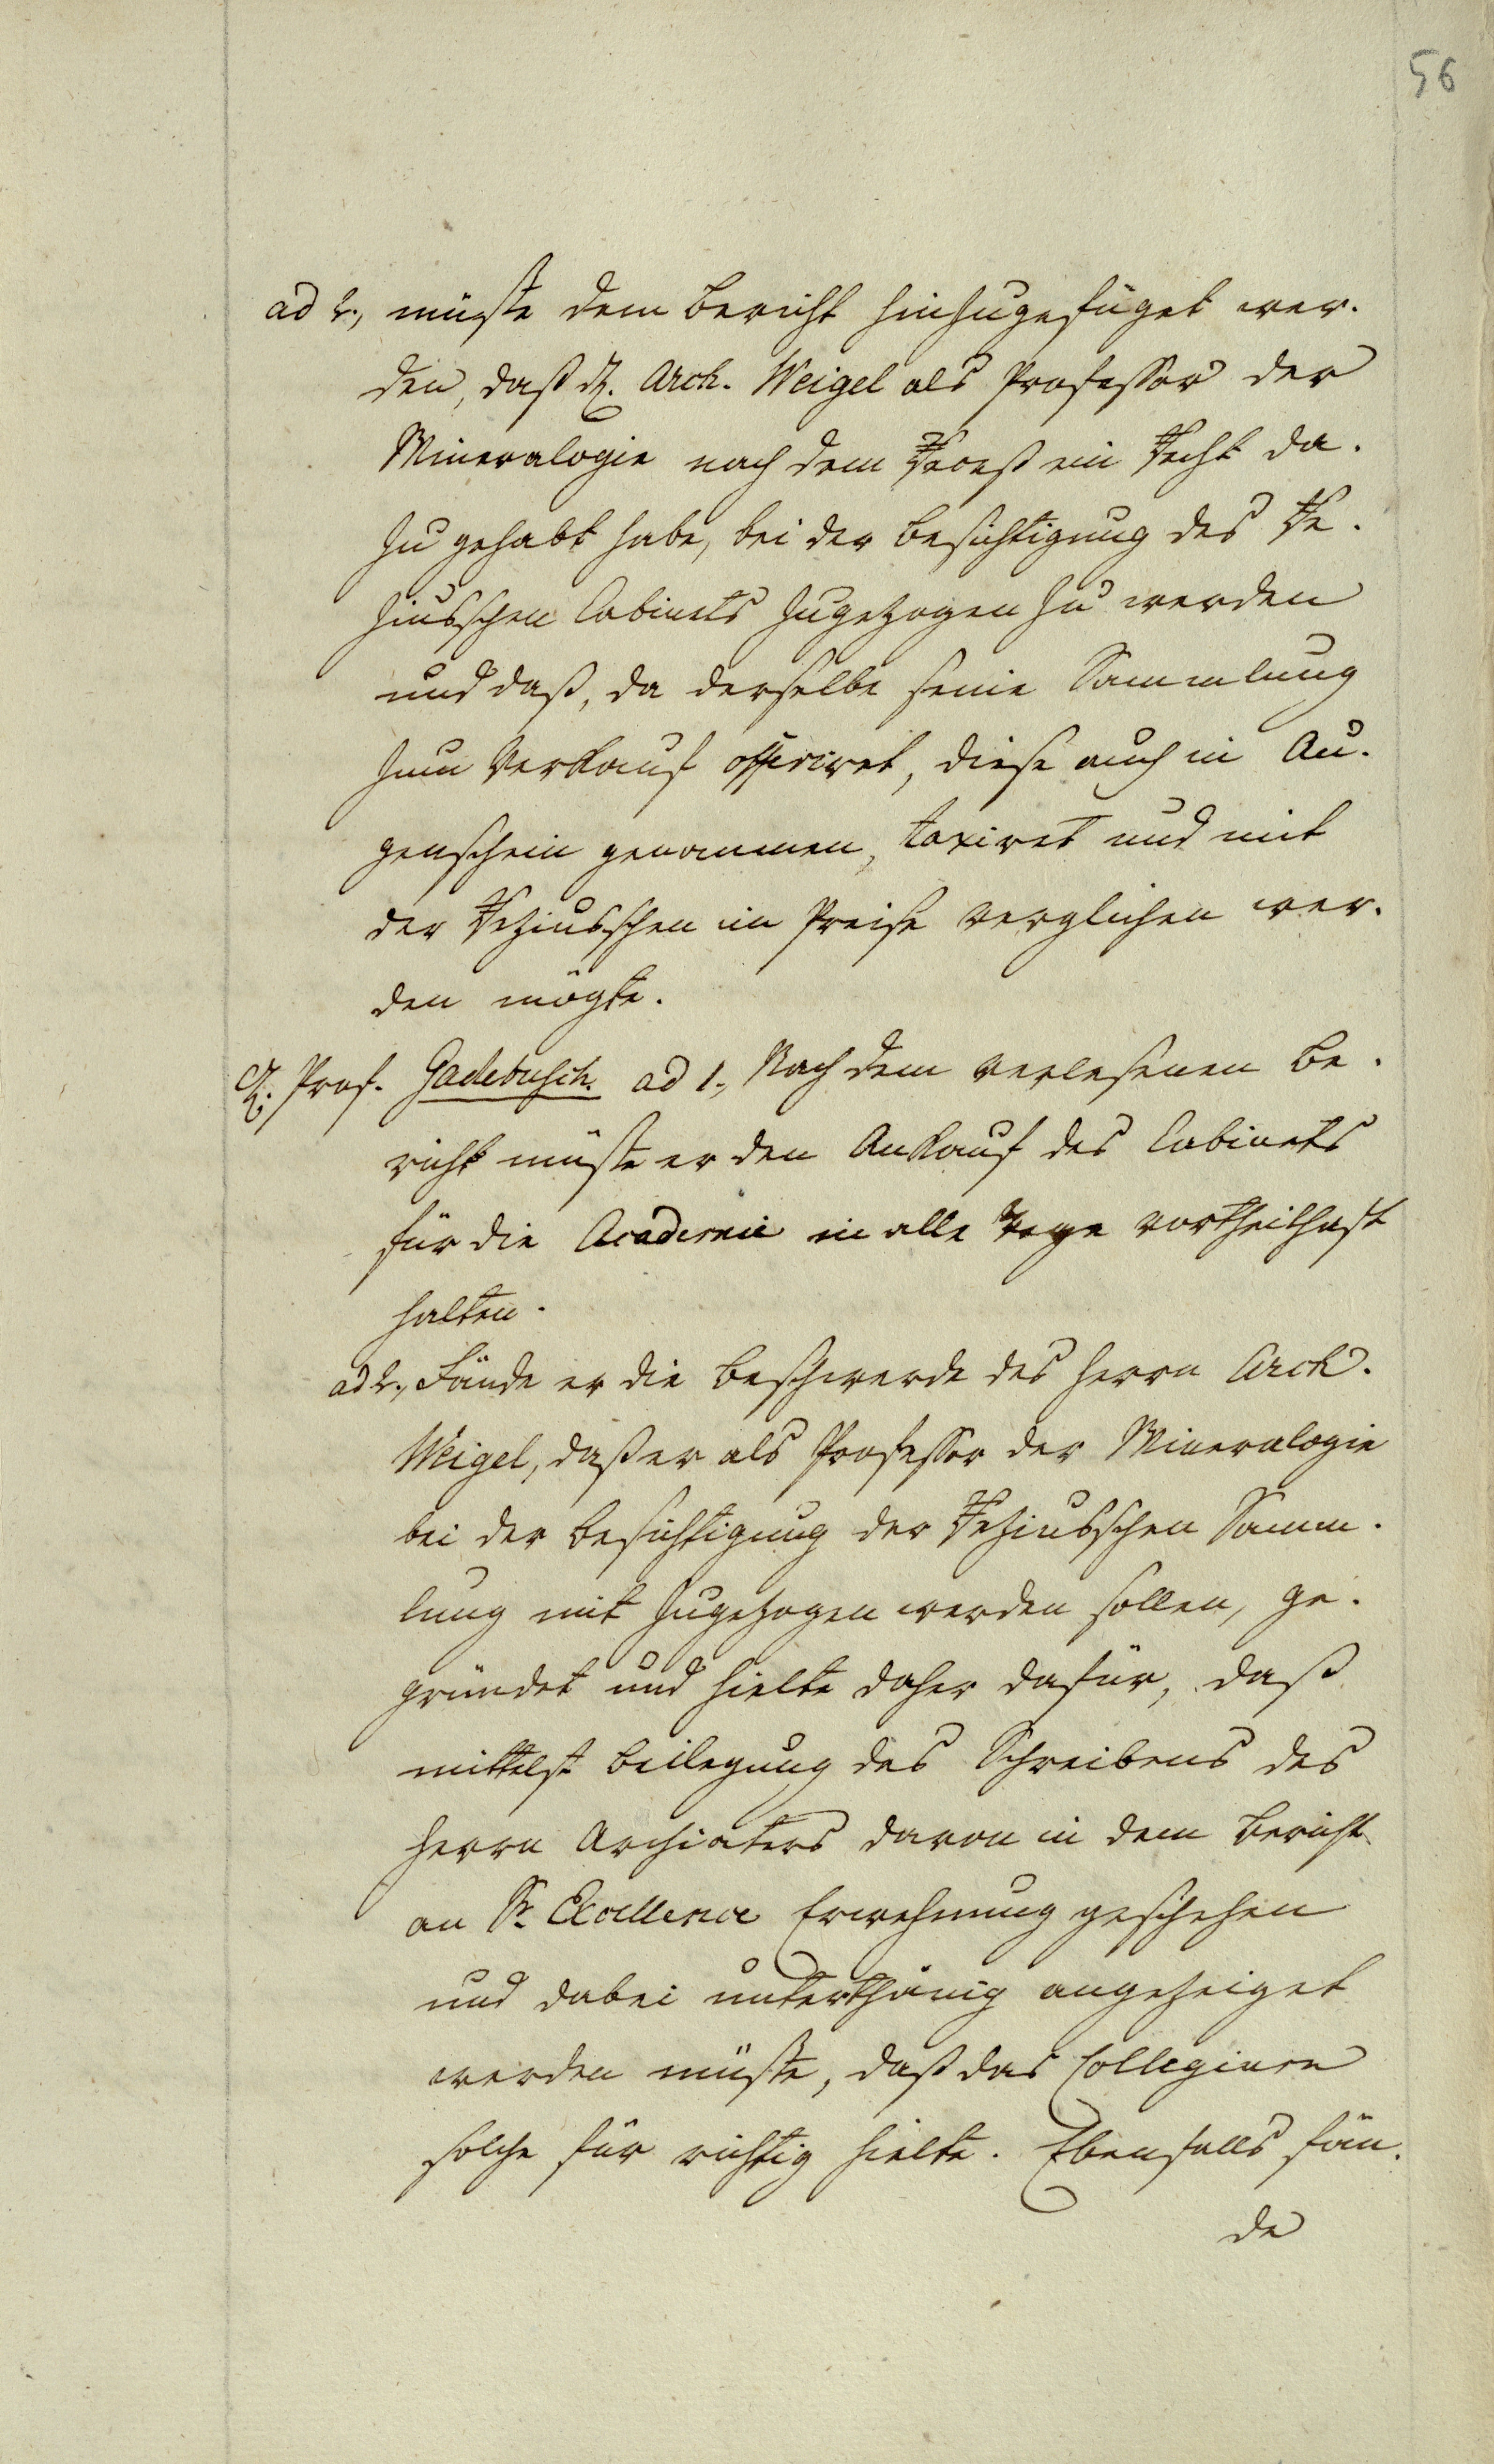ad 2., müßte dem Bericht hinzugefüget wer¬
den, daß dh. Arch. Weigel als Professor der
Mineralogie nach dem Receß ein Recht da¬
zu gehabt habe, bei der Besichtigung des Re¬
ziusschen Cabinets zugezogen zu werden
und daß, da derselbe seine Sammlung
zum Verkauf offeriret, diese auch in Au¬
genschein genommen, taxiret und mit
der Reziusschen im Preise verglichen wer¬
den mögte.
dh. Prof. Gadebusch ad 1. Nach dem verlesenen Be¬
richt müßte er den Ankauf des Cabinets
für die Academie in alle Wege vortheilhaft
halten.
ad 2. Fände er die Beschwerden des Herrn Arch.
Weigel, daß er als Professor der Mineralogie
bei der Besichtigung der Reziusschen Samm¬
lung mit zugezogen werden sollen, ge¬
gründet und hielte daher dafür, daß
mittelst Beilegung des Schreibens des
Herrn Archiaters davon in dem Bericht
an Sr Excellence Erwehnung geschehen
und dabei unterthänig angezeiget
werden müßte, daß das Collegium
solche für richtig hielte. Ebenfalls fän¬
de